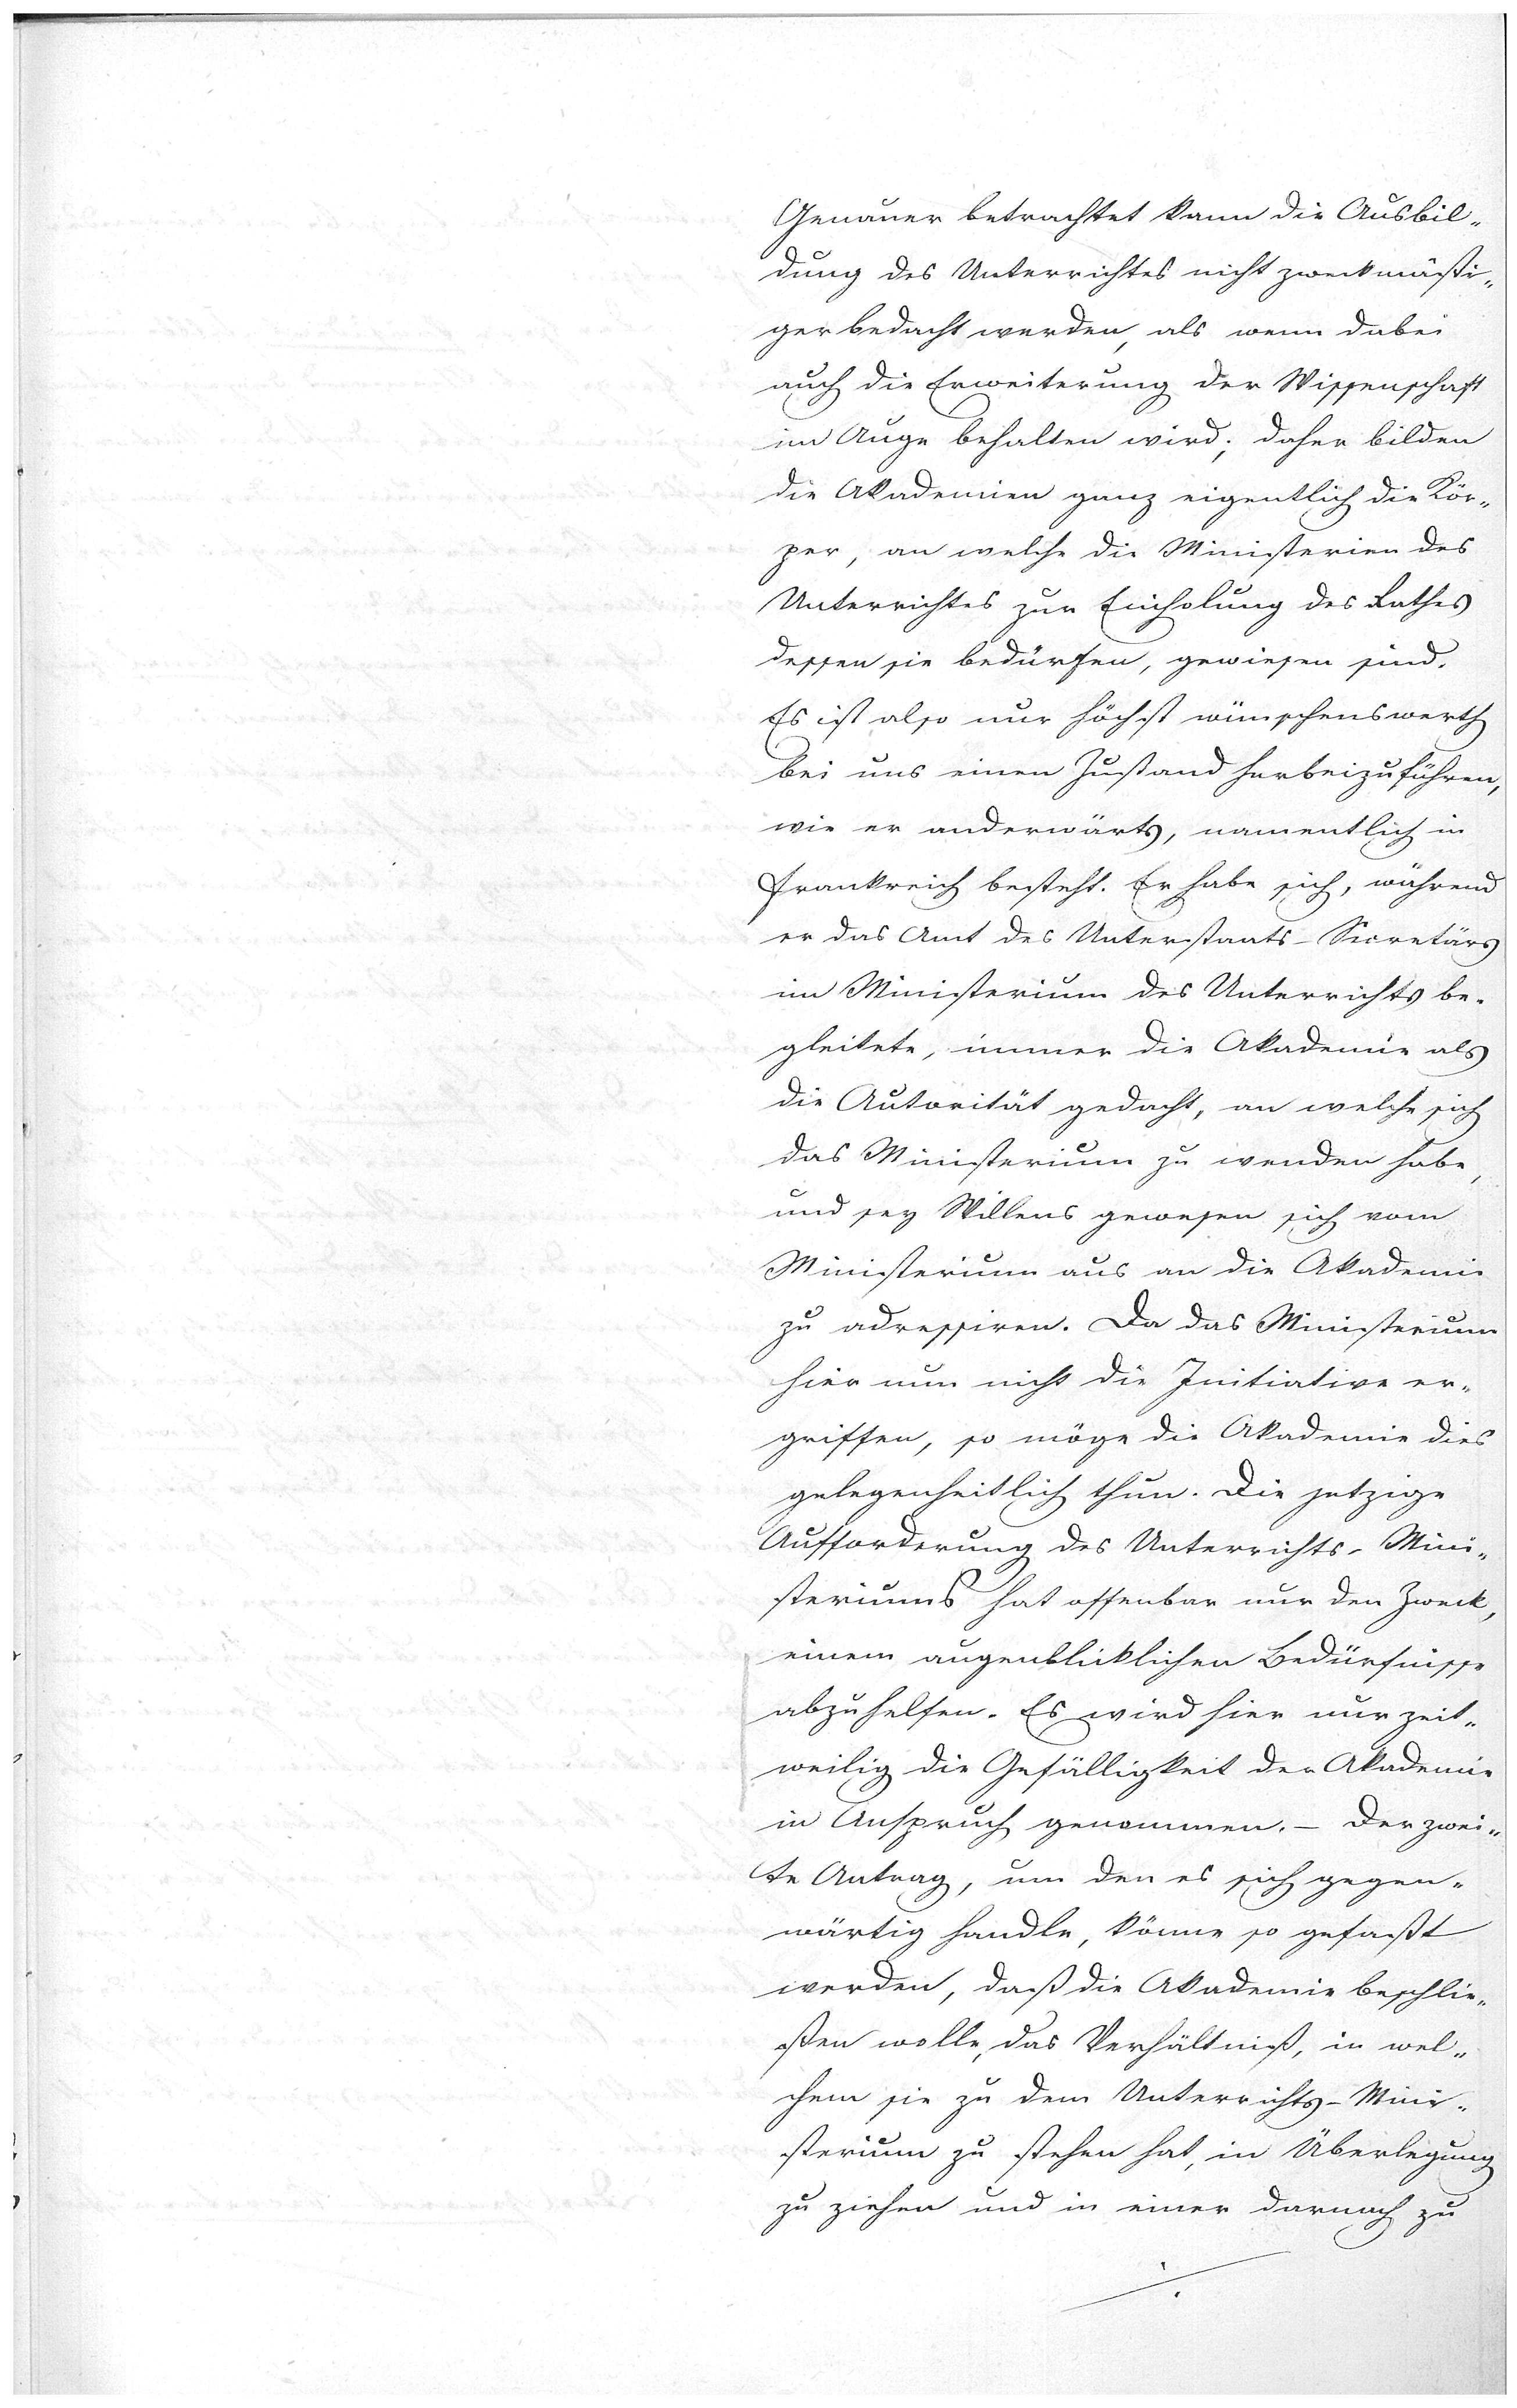Genauer betrachtet kann die Ausbil-
dung des Unterrichtes nicht zweckmäßi-
ger bedacht werden, als wenn dabei
auch die Erweiterung der Wissenschaft
in Auge behalten wird; daher bilden
die Akademien ganz eigentlich die Kör-
per, an welche die Ministerien des
Unterrichtes zur Einholung des Rathes
dessen sie bedürfen, gewiesen sind.
Es ist also nur höchst wünschenswerth
bei uns einen Zustand herbeizuführen,
wie er anderwärts, namentlich in
Frankreich besteht. Er habe sich, während
er das Amt der Unterstaats-Secretärs
im Ministerium des Unterrichts be-
gleitete, immer die Akademie als
die Autorität gedacht, an welche auf
das Ministerium zu wenden habe,
und sey Willens gewesen sich vom
Ministerium aus an die Akademie
zu adressiren. Da das Ministerium
hier nun nicht die Initiative er-
giffen, so möge die Akademie dies
gelegenheitlich thun. Die jetzige
Aufforderung des Unterrichts-Mini-
steriums hat offenbar nur den Zweck,
einem augenblicklichen Bedürfnisse
abzuhelfen. Es wird hier nur zeit-
weilig die Gefälligkeit der Akademie
in Anspruch genommen. - Der zwei-
te Antrag, um den es sich gegen-
würdig handle, könne so gefaßt
werden, daß die Akademie beschlie-
ßen wolle, des Verhältniß, in wel-
chem sie zu dem Unterrichts-Mini-
sterium zu stehen hat, in Überlegung
zu ziehen und in einer darnach zu